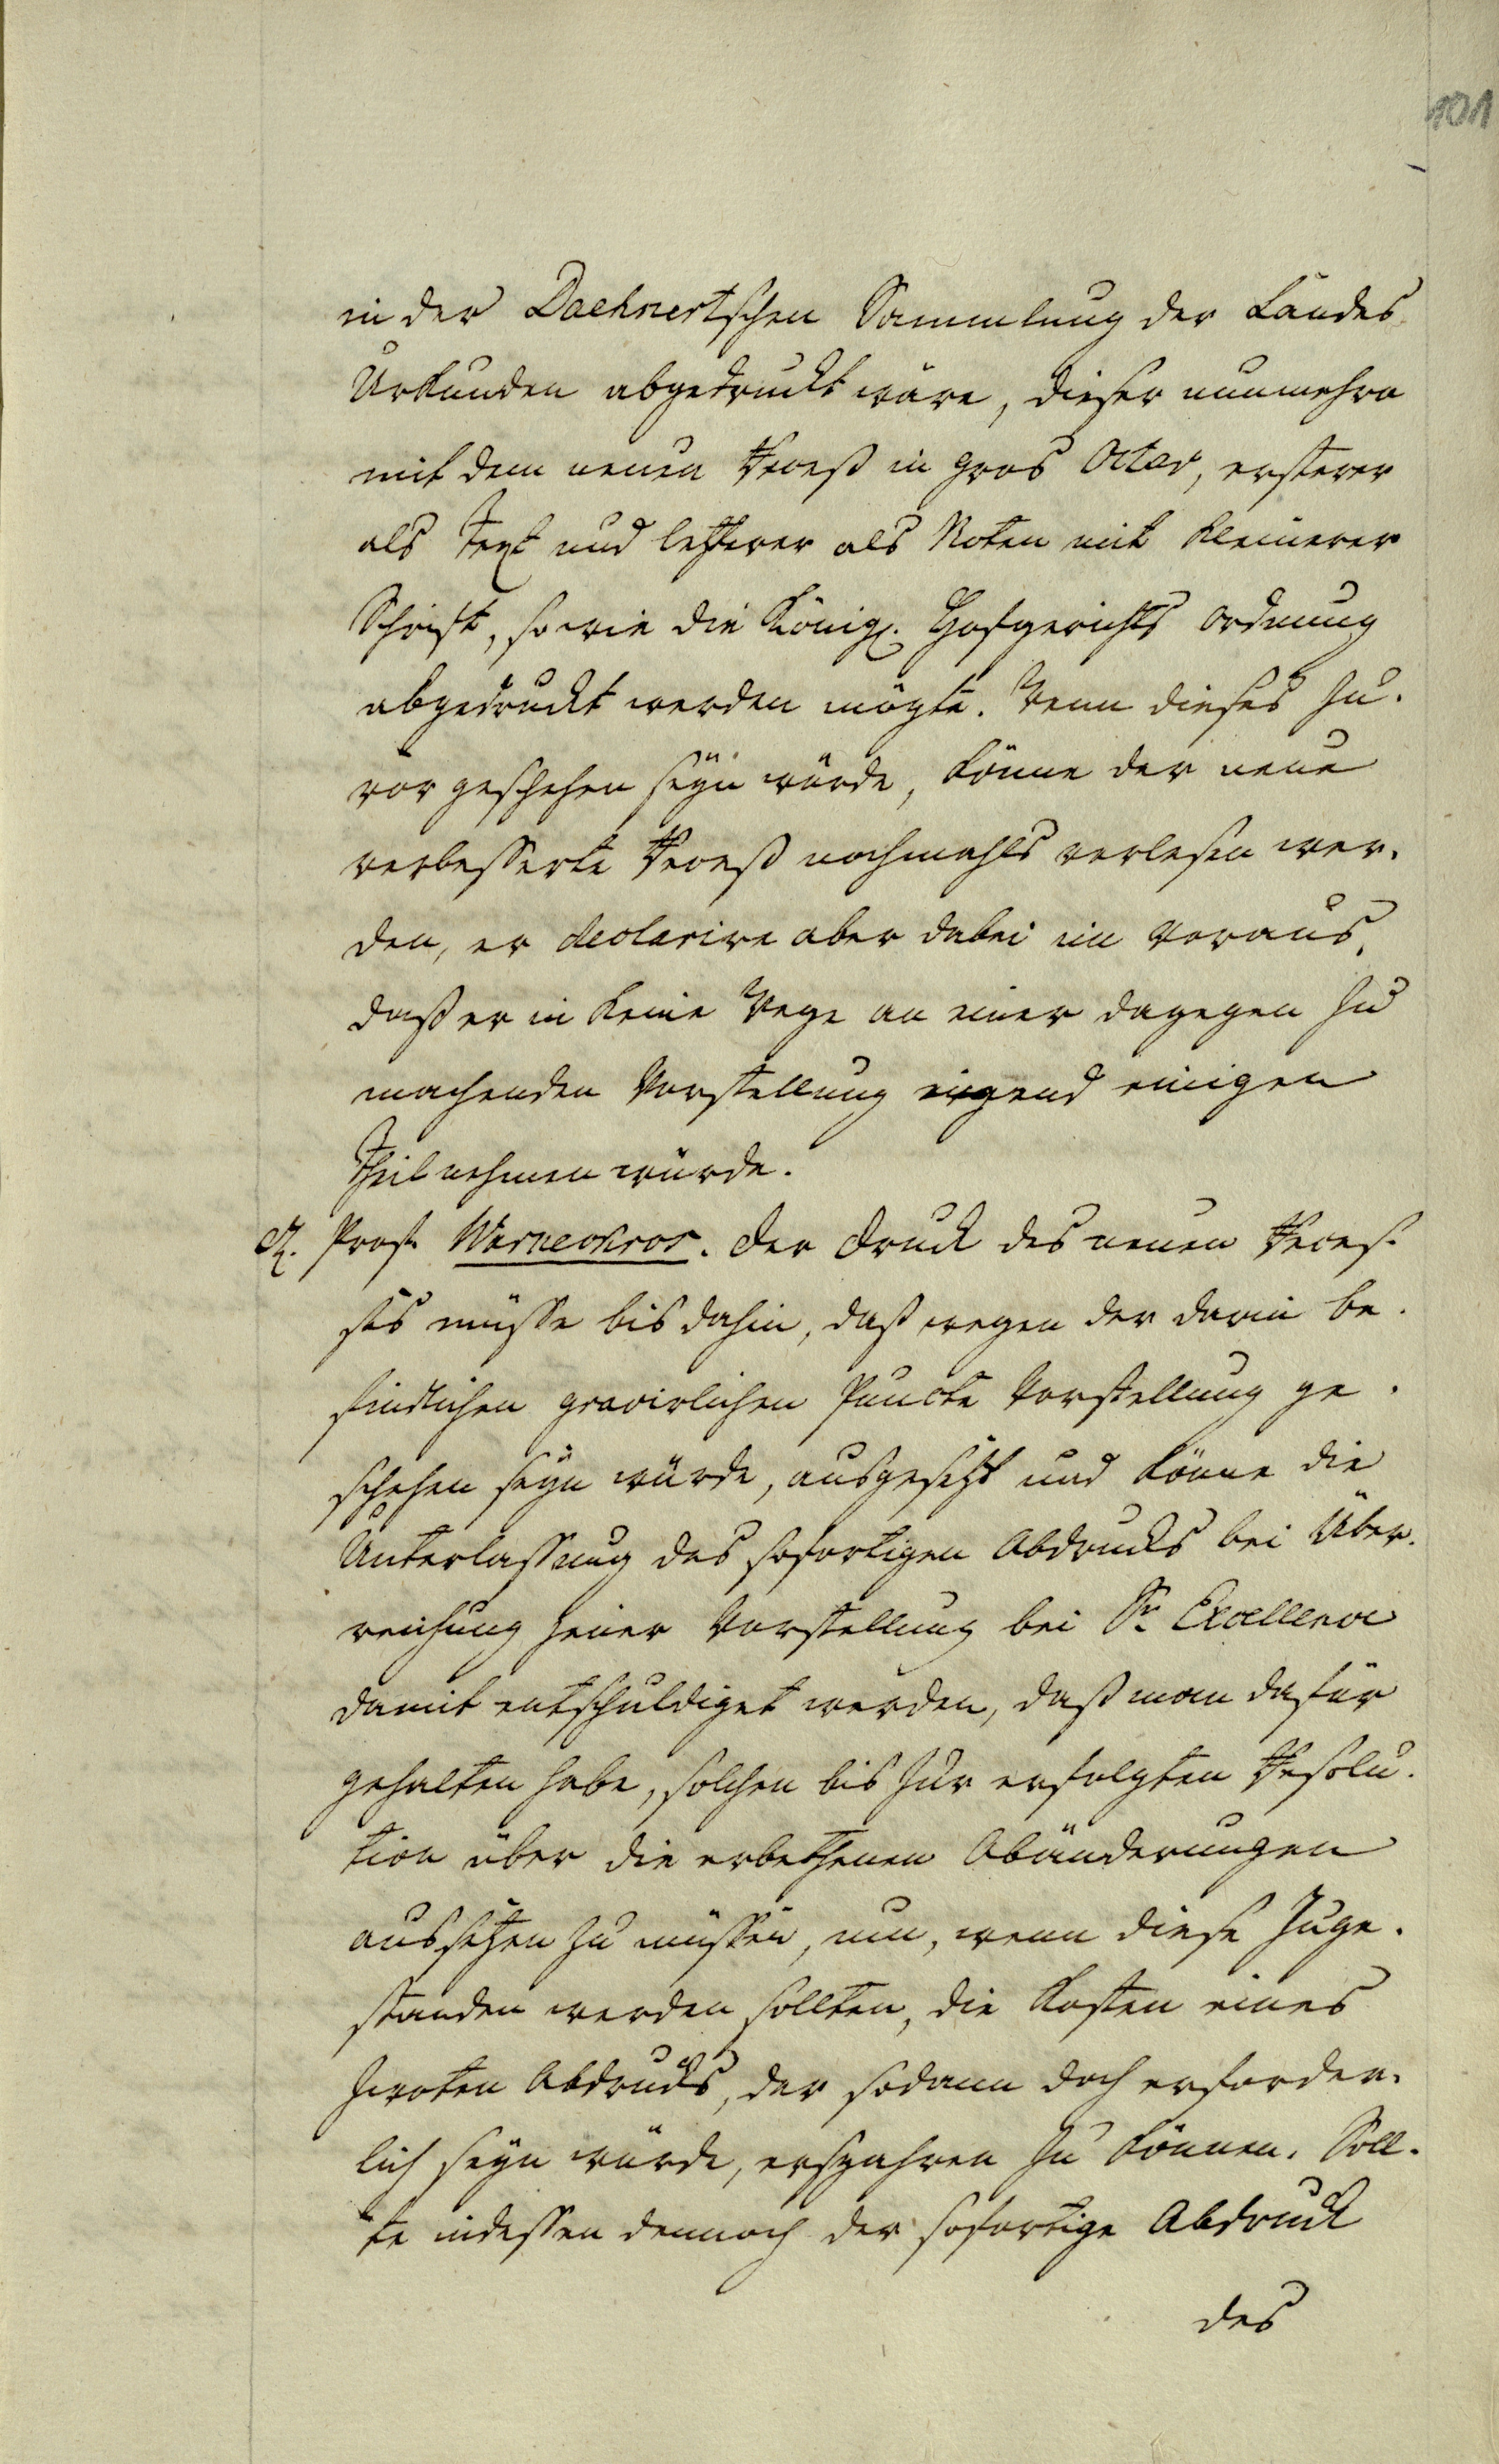in der Daehnertschen Sammlung der Landes
Urkunden abgedruckt wäre, dieser nunmehro
mit dem neuen Receß in gros Octav, ersterer
als Text und letzterer als Noten mit kleinerer
Schrift, so wie die Königl. Hofgerichts Ordnung
abgedruckt werden mögte. Wenn dieses zu¬
vor geschehen seÿn würde, könne der neue
verbesserte Receß nochmahls verlesen wer¬
den, er declarire aber dabei im voraus,
daß er in keine Wege an einer dagegen zu
machenden Vorstellung irgend einigen
Theil nehmen würde.
dh. Prof. Warneckros. Der Druck des neuen Reces¬
ses müsse bis dahin, daß wegen der darin be¬
findlichen gravirlichen Puncte Vorstellung ge¬
schehen seÿn würde, ausgesetzt und könne die
Unterlassung des sofortigen Abdrucks bei Über¬
reichung seiner Vorstellung bei Sr Excellence
damit entschuldiget werden, daß man dafür
gehalten habe, solchen bis zur erfolgten Resolu¬
tion über die erbethenen Abänderungen
aussetzen zu müssen, um, wenn diese zuge¬
standen werden sollten, die Kosten eines
zwoten Abdrucks, der sodann doch erforder¬
lich seÿn würde, erspahren zu können. Soll¬
te indessen dennoch der sofortige Abdruck
des